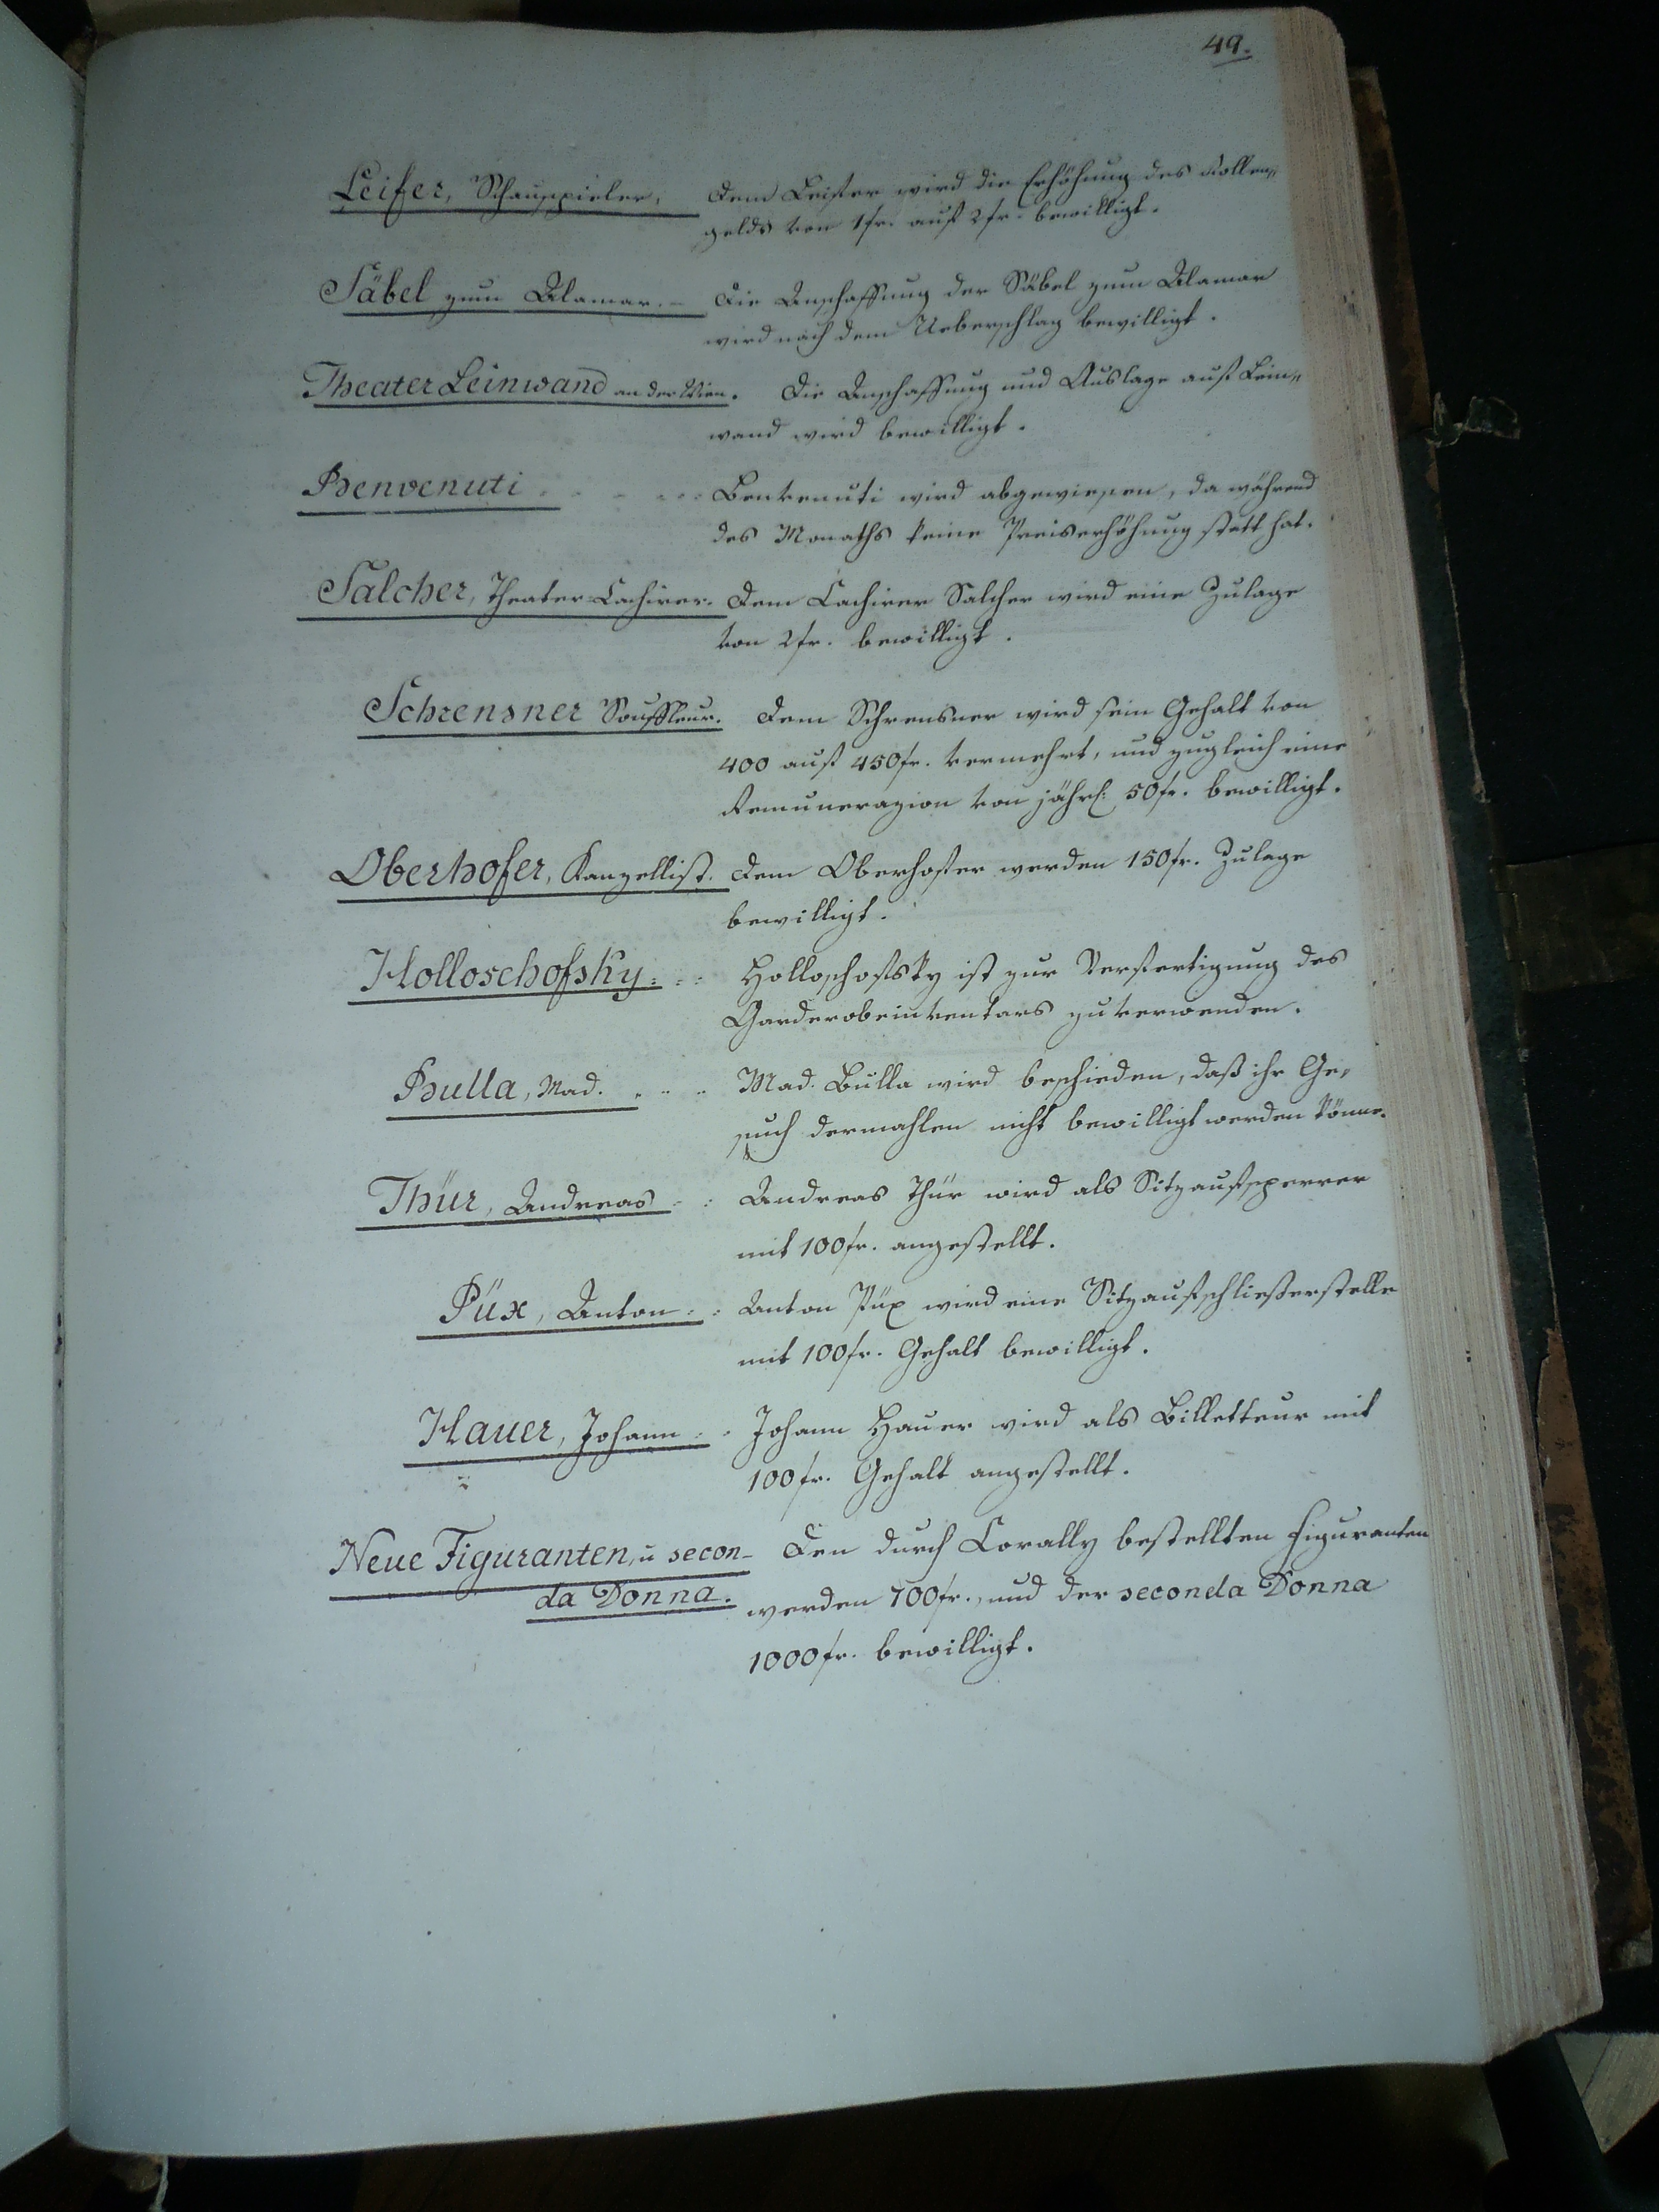49.
Leifer, Schauspieler, Dem Leifer wird die Erhöhung des Rollen¬
gelds von 1fr. auf 2fr. bewilligt.
Säbel zum Alamar. — Die Anschaffung der Säbel zum Alamar
wird nach dem Ueberschlag bewilligt.
Theater Leinwand an der Wien. Die Anschaffung und Auslage auf Lein¬
wand wird bewilligt.
Benvenuti . . . … Benvenuti wird abgewiesen, da während
des Monaths keine Preiserhöhung statt hat.
Salcher, Theater Lachirer. Dem Lachirer Salcher wird eine Zulage
von 2fr. bewilligt.
Schrensner Souffleur. Dem Schrenser wird sein Gehalt von
400 auf 450fr. vermehrt, und zugleich eine
Remunerazion von jährE: 50fr. bewilligt.
Oberhofer, Kanzellist. Dem Oberhofer werden 150fr. Zulage
bewilligt.
Holloschofsky : : : Holloschofsky ist zur Verfertigung des
Garderobeinventars zuverwenden.
Bulla, Mad. . .. .. Mad. Bulla wird beschieden, daß ihr Ge¬
such dermahlen nicht bewilligt werden könne.
Thür, Andreas : : Andreas Thür wird als Sitzaufsperrer
mit 100fr. angestellt.
Püx, Anton : : Anton Püx wird eine Sitzaufschließerstelle
mit 100fr. Gehalt bewilligt.
Hauer, Johann : : Johann Hauer wird als Billetteur mit
100 fr. Gehalt angestellt.
Neue Figuranten, u secon‒
da Donna.
Den durch Corally bestellten Figuranten
werden 700fr., und der seconda Donna
1000 fr. bewilligt.